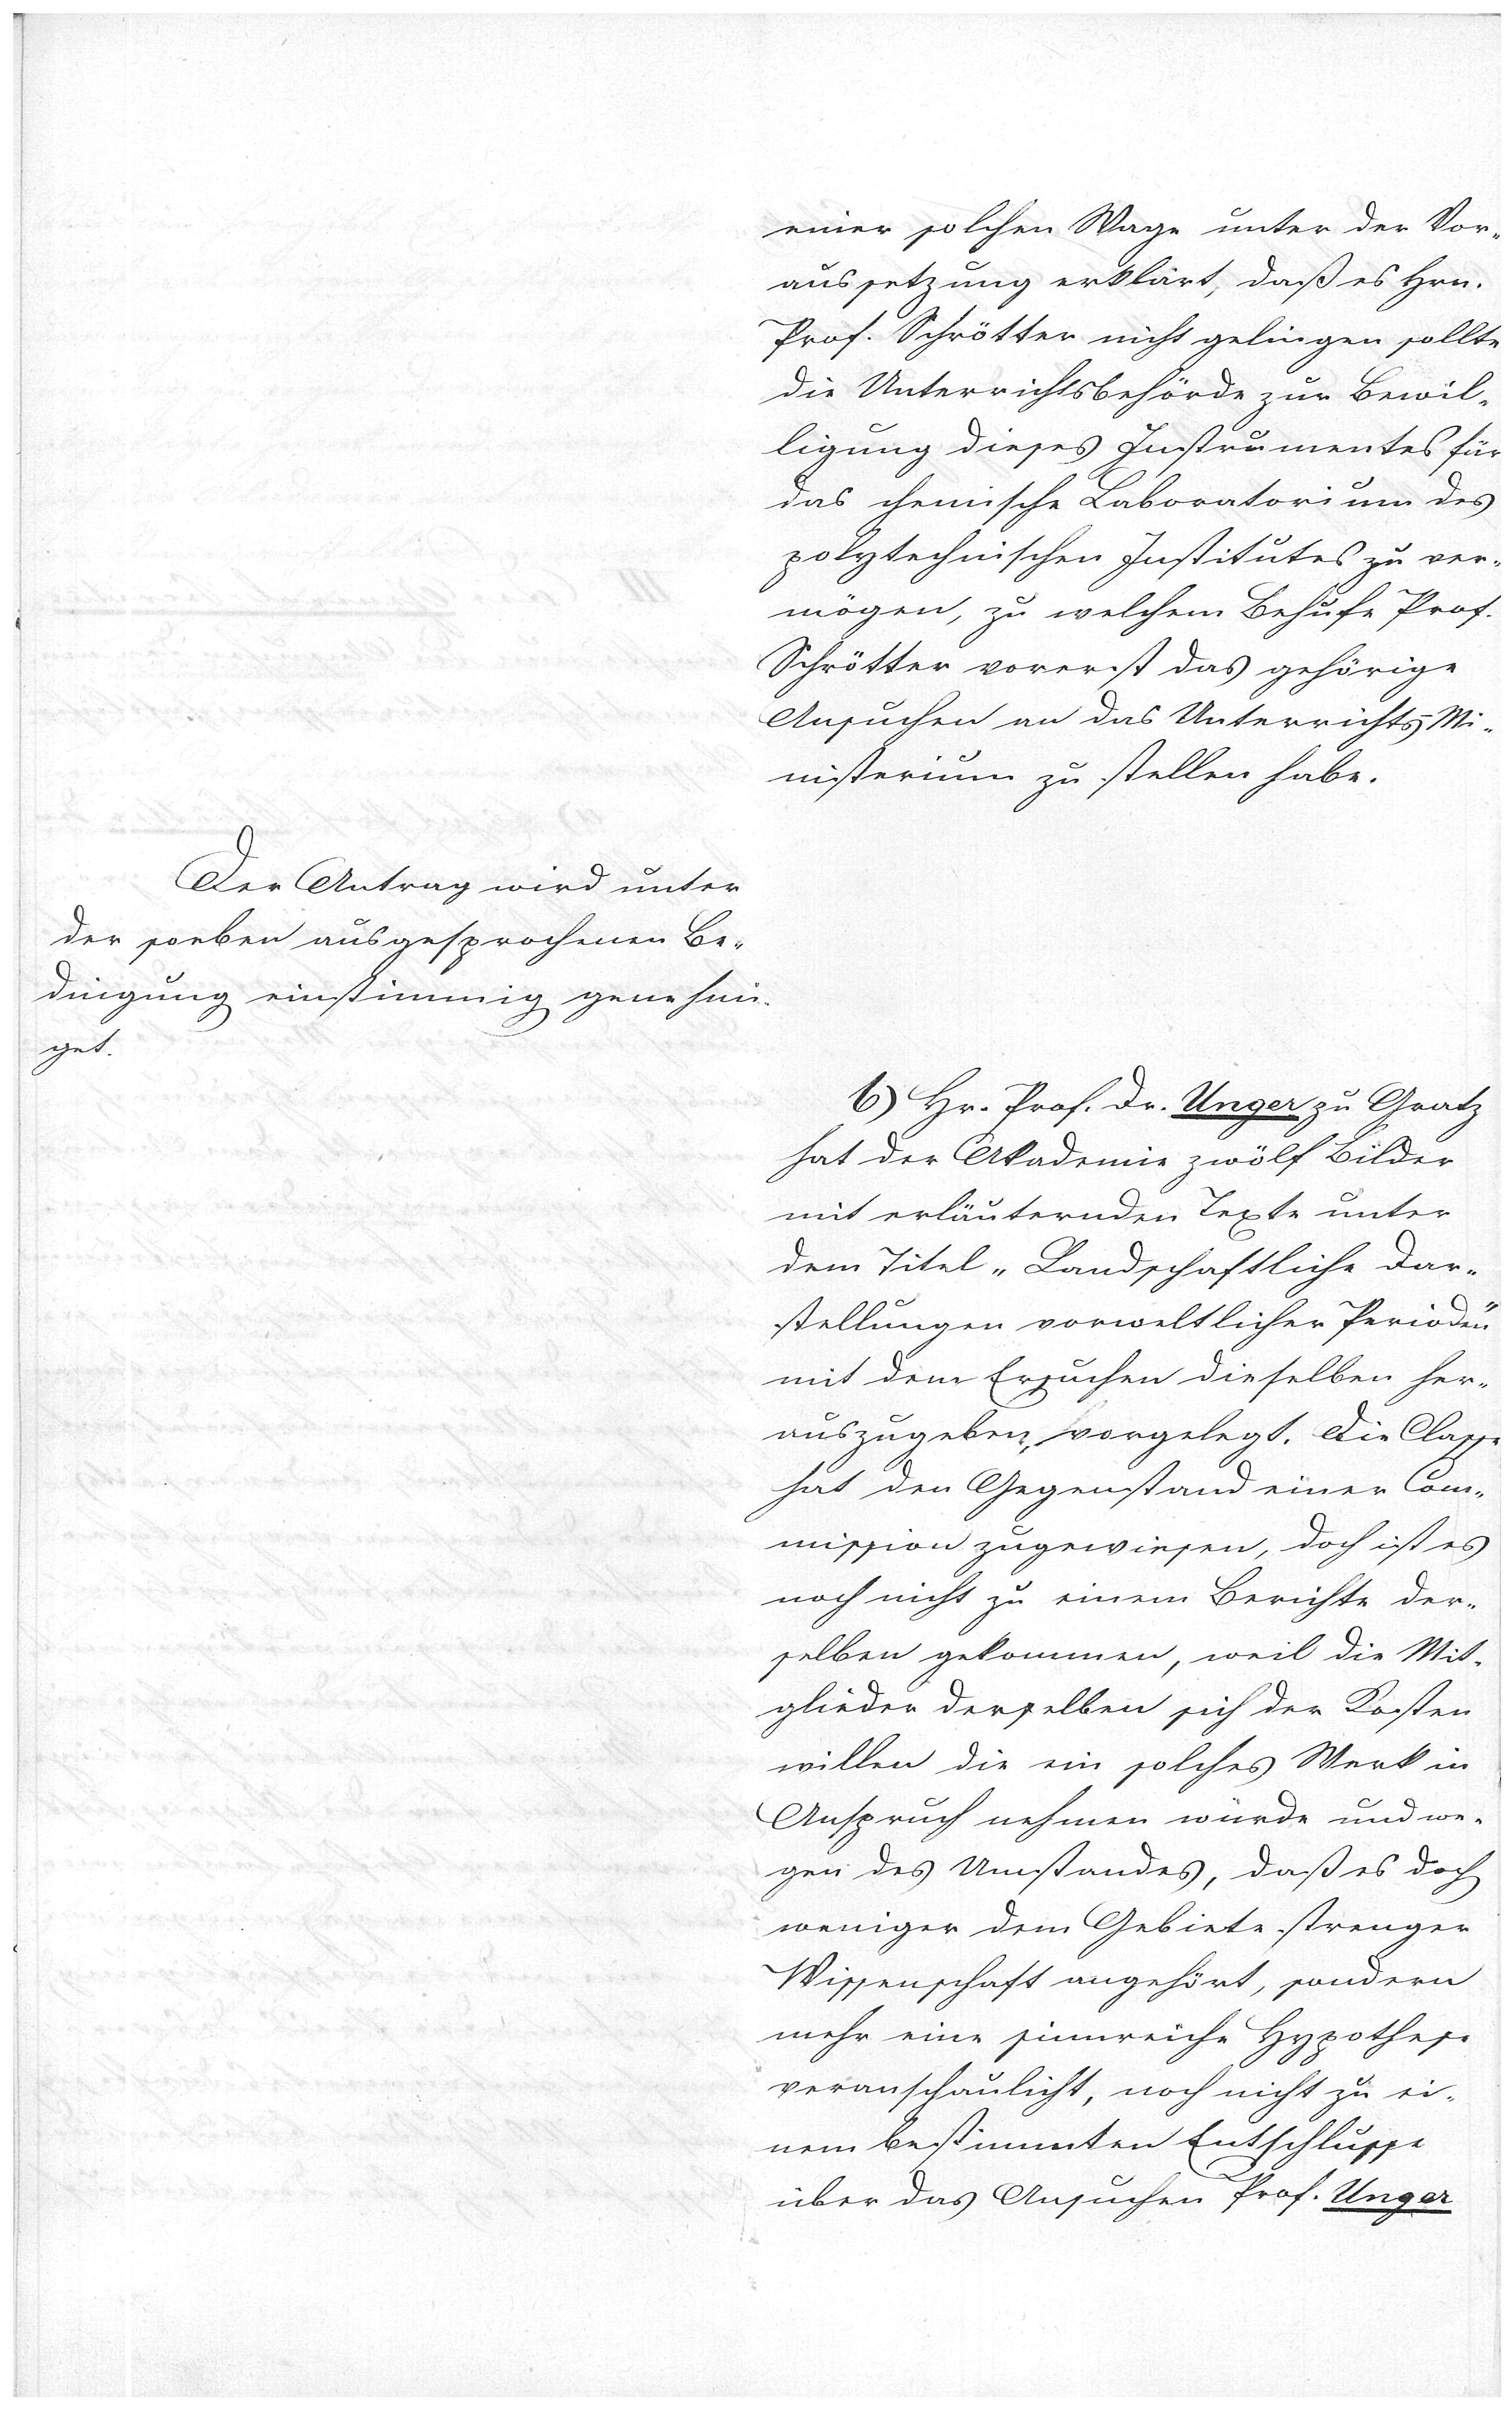einer solchen Wage unter der Vor-
aussetzung erklärt, daß es Hrn.
Prof. Schrötter nicht gelingen sollten
die Unterrichtsbehörde zur Bewil-
ligung dieses Instrumentes für
das chemische Laboratorium des
polytechnischen Institutes zu ver-
mögen, zu welchem Behufe Prof.
Schrötter vorerst das gehörige
Ansuchen an das Unterrichts-Mi-
nisterium zu stellen habe.
Der Antrag wird unter
der soeben ausgesprochenen Be-
dingung einstimmig genehmi-
get.
b) Hr. Prof. Dr. Unger zu Gratz
hat der Akademie zwölf Bilder
mit erläuternden Texte unter
dem Titel "Landschaftliche Dar-
stellungen vorweltlicher Perioden"
mit dem Ersuchen dieselben her-
auszugeben, vorgelegt. Die Classe
hat den Gegenstand einer Com-
mission zugewiesen, doch ist es
noch nicht zu einem Berichte der-
selben gekommen, weil die Mit-
glieder derselben sich der Kosten
willen die ein solche Werk in
Anspruch nehmen würde und we-
gen des Umstandes, daß es doch
weniger dem Gebiete strenger
Wissenschaft angehört, sondern
mehr eine sinnreiche Hypothese
veranschaulicht, noch nicht zu ei-
nem bestimmten Entschlusse
über das Ansuchen Prof. Unger